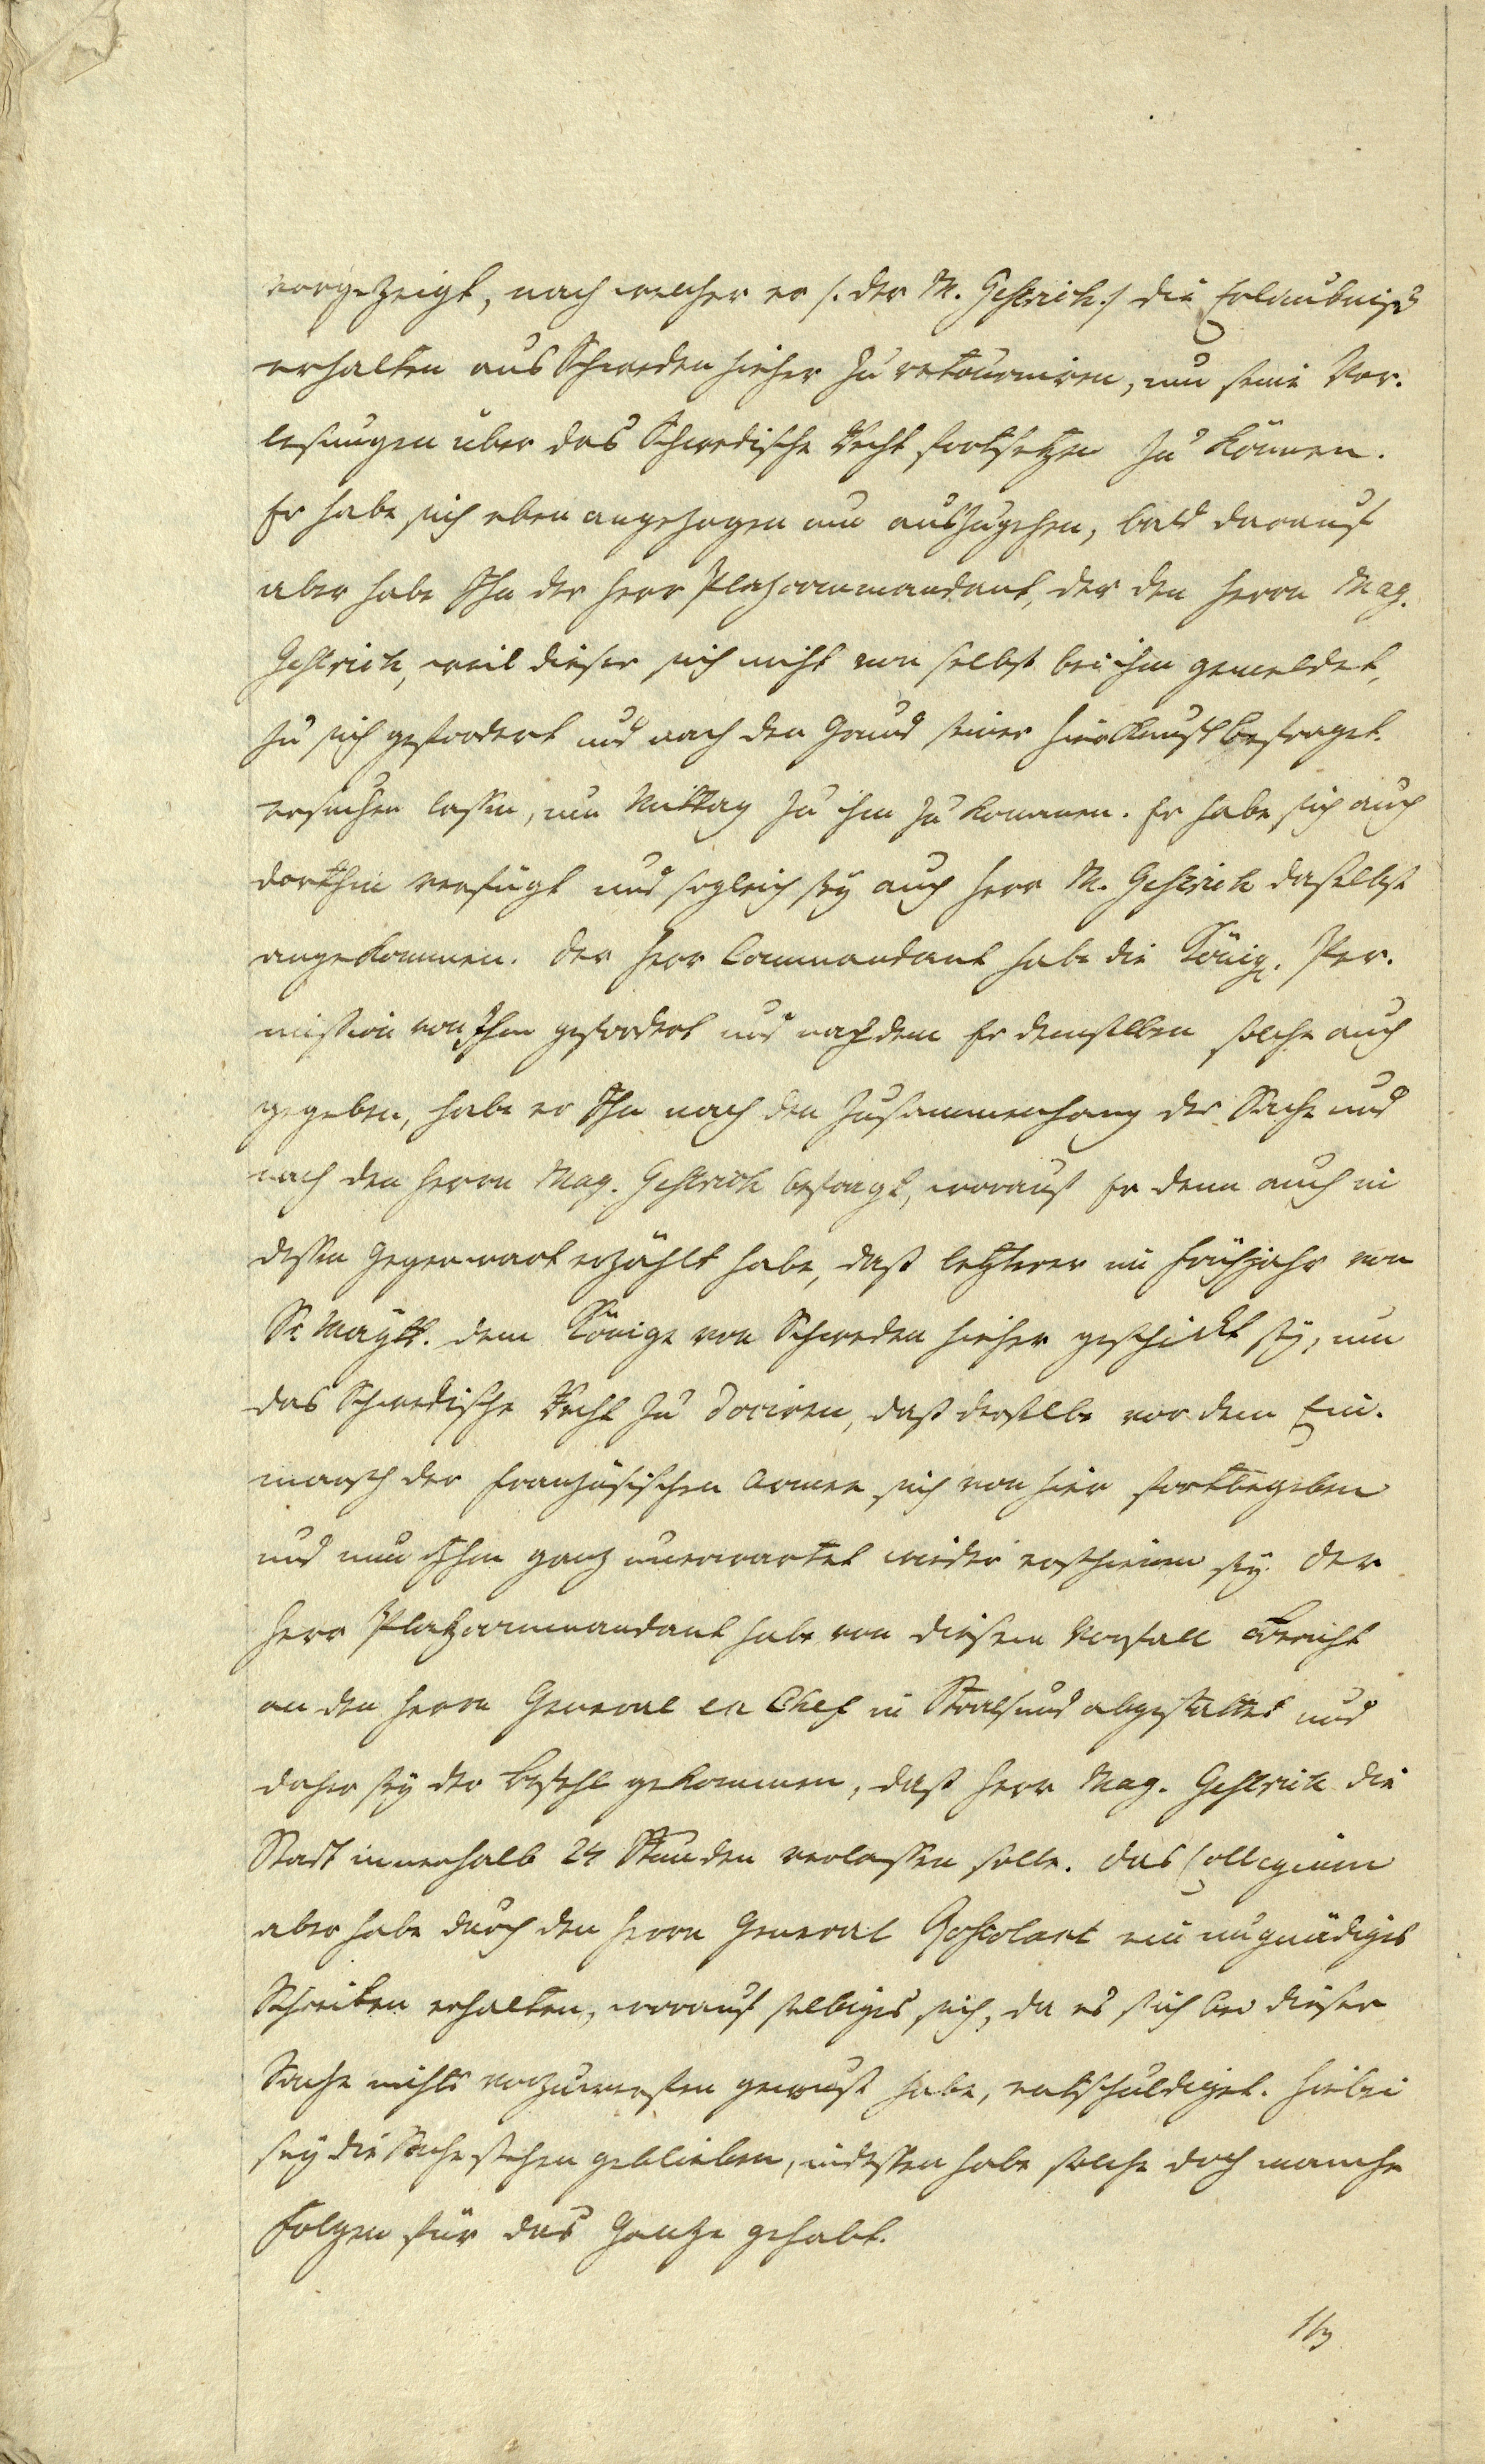vorgezeigt, nach welcher er /: der M. Gestrich ./ die Erlaubnis
erhalten aus Schweden hieher zu retourniren, um seine Vor¬
lesungen über das Schwedische Recht fortsetzen zu können.
Er habe sich eben angezogen um auszugehen, bald darauf
aber habe Ihn der Herr Plazcommandant, der den Herrn Mag.
Gestrich, weil dieser sich nicht von selbst bei ihm gemeldet,
zu sich gefordert und nach den Grund seiner Hierkunft befraget,
ersuchen lassen, um Mittag zu ihm zu kommen. Er habe sich auch
dorthin verfügt und sogleich seÿ auch Herr M. Gestrich daselbst
angekommen. Der Herr Commandant habe die Königl. Per¬
mission von ihm gefordert und nachdem Er demselben solche auch
gegeben, habe er Ihn nach den Zusammenhang der Sache und
nach den Herrn Mag. Gestrich befragt, worauf Er denn auch in
dessen Gegenwart erzählt habe, daß letzterer im Frühjahr von
Sr Maÿtt. dem Könige von Schweden hieher geschickt seÿ, um
das Schwedische Recht zu dociren, daß derselbe vor dem Ein¬
marsch der Französischen Armee sich von hier fortbegeben
und nun Ihm ganz unerwartet wieder erschienen seÿ. Der
Herr Platzcommandant habe von diesem Vorfall Bericht
an den Herrn General en Chef in Stralsund abgestattet und
daher seÿ der Befehl gekommen, daß Herr Mag. Gestrich die
Stadt innerhalb 24 Stunden verlassen solle. Das Collegium
aber habe durch den Herrn General Roscolant ein ungnädiges
Schreiben erhalten, worauf selbiges sich, da es sich bei dieser
Sache nichts vonzuwerfen gewußt habe, entschuldiget. Hiebei
seÿ die Sache stehen geblieben, indessen habe solche doch manche
Folgen für das Ganze gehabt.
11.,